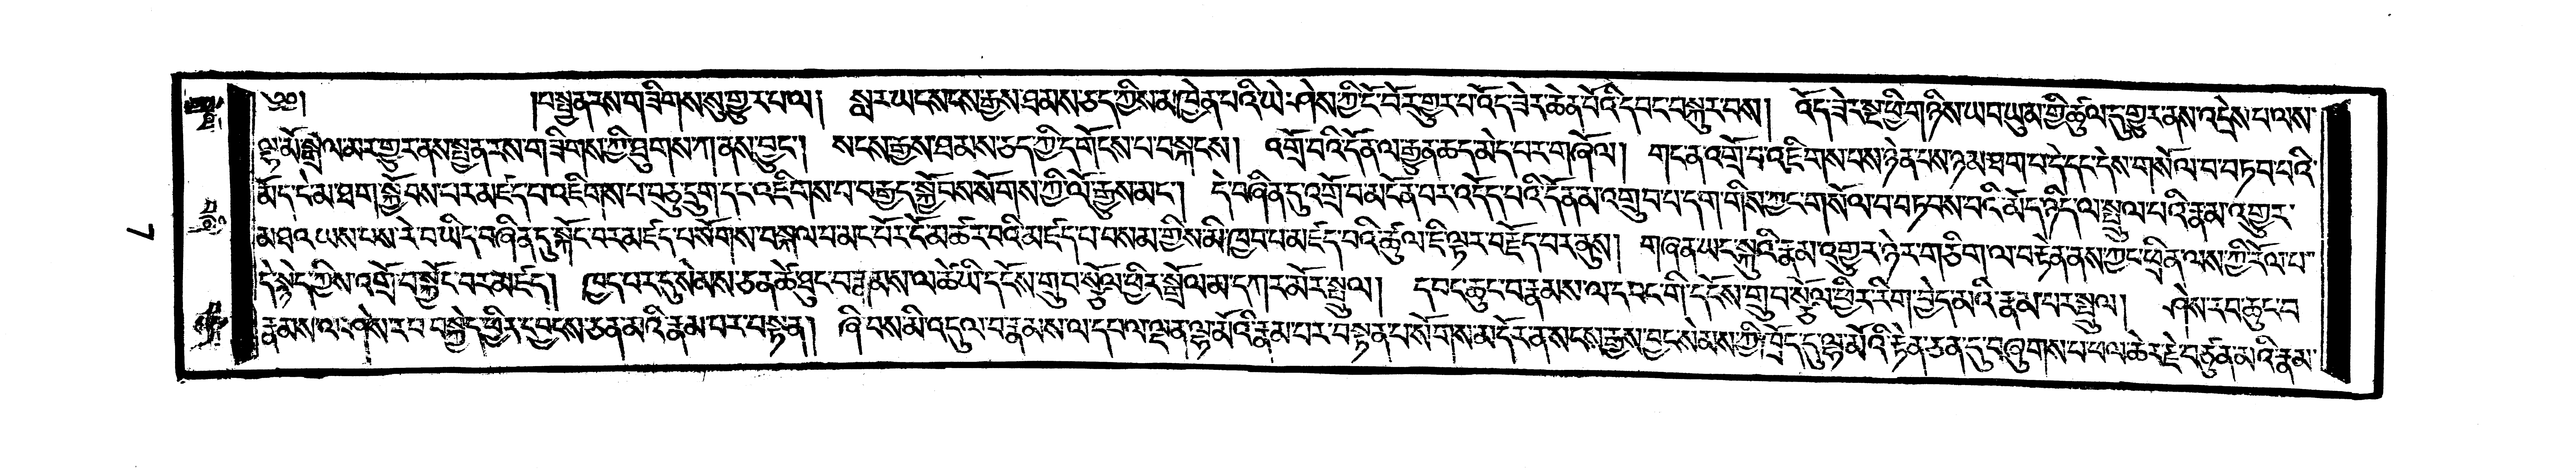༄༅། །པ་སྤྱན་རས་གཟིགས་སུ་གྱུར་པ་ལ། སླར་ཡང་སངས་རྒྱས་ཐམས་ཅད་ཀྱིས་མཁྱེན་པའི་ཡེ་ཤེས་ཀྱི་ངོ་བོར་གྱུར་པ་འོད་ཟེར་ཆེན་པོའི་དབང་བསྐུར་བས། འོད་ཟེར་སྔ་ཕྱི་གཉིས་ཡབ་ཡུམ་གྱི་ཚུལ་དུ་གྱུར་ནས་འདྲེས་པ་ལས་
ལྷ་མོ་སྒྲོལ་མར་གྱུར་ནས་སྤྱན་རས་གཟིགས་ཀྱི་ཐུགས་ཀ་ནས་བྱུང་། སངས་རྒྱས་ཐམས་ཅད་ཀྱི་དགོངས་པ་བསྐངས། འགྲོ་བའི་དོན་ལ་རྒྱུན་ཆད་མེད་པར་གཞོལ། གང་ན་འགྲོ་བ་འཇིགས་པས་ཉེན་བས་ཉམ་ཐག་པ་དེ་དང་དེས་གསོལ་བ་བཏབ་པའི་
མོད་དེ་མ་ཐག་སྐྱོབ་བར་མཛད་པ་འཇིགས་པ་བཅུ་དྲུག་དང་འཇིགས་པ་བརྒྱད་སྐྱོབ་སོགས་ཀྱི་ལོ་རྒྱུས་མང་། དེ་བཞིན་དུ་འགྲོ་བ་མངོན་པར་འདོད་པའི་དོན་མ་འགྲུབ་པ་དག་གིས་ཀྱང་གསོལ་བ་བཏབས་པའི་མོད་ཉིད་ལ་སྤྲུལ་པའི་རྣམ་འགྱུར་
མཐའ་ཡས་བས་རེ་བ་ཡིད་བཞིན་དུ་སྐོང་བར་མཛད་པ་སོགས་བསྐལ་པ་མང་པོར་ངོ་མཚར་བའི་མཛད་པ་བསམ་གྱིས་མི་ཁྱབ་པ་མཛད་པའི་ཚུལ་ཇི་ལྟར་བརྗོད་པར་ནུས། གཞན་ཡང་སྐུའི་རྣམ་འགྱུར་ཉེར་གཅིག་ལ་བརྟེན་ནས་ཀྱང་ཕྲིན་ལས་ཀྱི་རོལ་བ་
དེ་སྙེད་ཀྱིས་འགྲོ་བ་སྐྱོང་བར་མཛད། ཁྱད་པར་དུ་སེམས་ཅན་ཚེ་ཐུང་བ་རྣམས་ལ་ཚེ་ཡི་དངོས་གྲུབ་སྩོལ་ཕྱིར་སྒྲོལ་མ་དཀར་མོར་སྤྲུལ། དབང་ཆུང་བ་རྣམས་ལ་དབང་གི་དངོས་གྲུབ་སྩོལ་ཕྱིར་རིག་བྱེད་མའི་རྣམ་པར་སྦྲུལ། ཤེས་རབ་ཆུང་བ་
རྣམས་ལ་ཤེས་རབ་བསྐྱེད་ཕྱིར་དབྱངས་ཅན་མའི་རྣམ་པར་བསྟན། ཞི་བས་མི་འདུལ་བ་རྣམས་ལ་དཔལ་ལྡན་ལྷ་མོའི་རྣམ་པར་བསྟན་པ་སོགས་མདོར་ན་སངས་རྒྱས་བྱང་སེམས་ཀྱི་ཁྲོད་དུ་ལྷ་མོའི་རྟེན་ཅན་དུ་བཞུགས་པ་ཕལ་ཆེར་རྗེ་བཙུན་མའི་རྣམ་